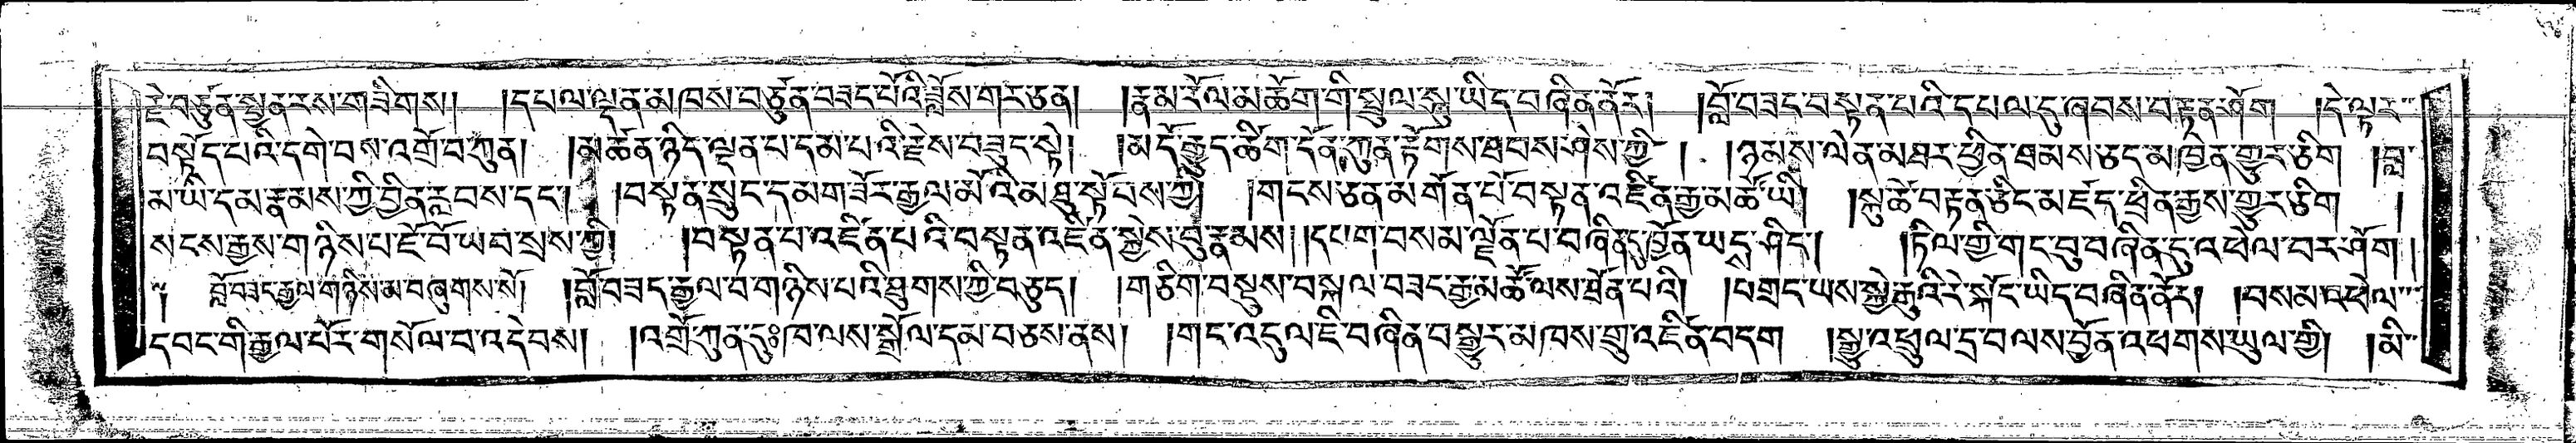རྗེ་བཙུན་སྤྱན་རས་གཟིགས། །དཔལ་ལྡན་མཁས་བཙུན་བཟང་པོའི་ཟློས་གར་ཅན། །རྣམ་རོལ་མཆོག་གི་སྤྲུལ་སྐུ་ཡིད་བཞིན་ནོར། །བློ་བཟང་བསྟན་པའི་དཔལ་དུ་ཞབས་བརྟན་ཤོག །དེ་ལྟར་
བསྟོད་པའི་དགེ་བས་འགྲོ་བ་ཀུན། །མཚན་ཉིད་ལྡན་པ་དམ་པའི་རྗེས་བཟུང་སྟེ། །མདོ་རྒྱུད་ཚིག་དོན་ཀུན་རྟོགས་ཐབས་ཤེས་ཀྱི། །ཉམས་ལེན་མཐར་ཕྱིན་ཐམས་ཅད་མཁྱེན་གྱུར་ཅིག །བླ་
མ་ཡི་དམ་རྣམས་ཀྱི་བྱིན་རླབས་དང་། །བསྟན་སྲུང་དམག་ཟོར་རྒྱལ་མོའི་མཐུ་སྟོབས་ཀྱི། །གངས་ཅན་མགོན་པོ་བསྟན་འཛིན་རྒྱ་མཚོ་ཡི། །སྐུ་ཚེ་བརྟན་ཅིང་མཛད་ཕྲིན་རྒྱས་གྱུར་ཅིག །
སངས་རྒྱས་གཉིས་པ་ཇོ་བོ་ཡབ་སྲས་ཀྱི། །བསྟན་པ་འཛིན་པའི་བསྟན་འཛིན་སྐྱེས་བུ་རྣམས། །དཔག་བསམ་ལྗོན་པ་བཞིན་དུ་ཁྱོན་ཡངས་ཤིང་། །ཏིལ་གྱི་གང་བུ་བཞིན་དུ་འཕེལ་བར་ཤོག །
༈ བློ་བཟང་རྒྱལ་གཉིས་མ་བཞུགས་སོ། །བློ་བཟང་རྒྱལ་བ་གཉིས་པའི་ཐུགས་ཀྱི་བཅུད། །གཅིག་བསྡུས་བསྐལ་བཟང་རྒྱ་མཚོ་ལས་ཐོན་པའི། །བགྲང་ཡས་སྐྱེ་རྒུའི་རེ་སྐོང་ཡིད་བཞིན་ནོར། །བསམ་འཕེལ་
དབང་གི་རྒྱལ་པོར་གསོལ་བ་འདེབས། །འགྲོ་ཀུན་དུ་H ཁ་ལས་སྒྲོལ་དམ་བཅས་ནས། །གང་འདུལ་ཇི་བཞིན་བསྒྱུར་མཁས་གྲུ་འཛིན་བདག །སྒྱུ་འཕྲུལ་དྲ་བ་ལས་བྱོན་འཕགས་ཡུལ་གྱི། །མི་